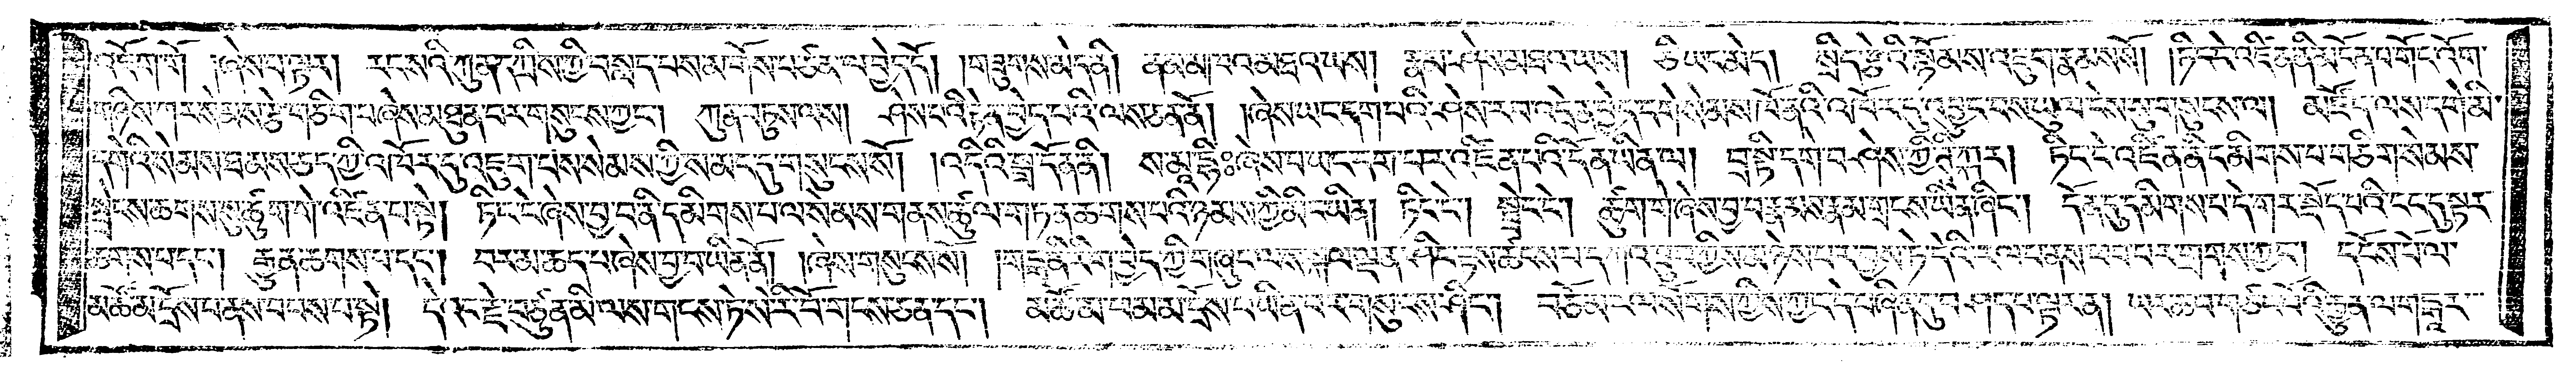འཇོག་གོ །ཞེས་པ་ལྟར། རང་སའི་ཀུན་དཀྲིས་ཀྱི་བསླད་པས་མགོས་པ་ཙམ་ལ་བྱེད་དོ། །གཟུགས་མེད་ནི། ནམ་མཁའ་མཐའ་ཡས། རྣམ་ཤེས་མཐའ་ཡས། ཅི་ཡང་མེད། སྲིད་རྩེའི་སྙོམས་འཇུག་རྣམས་སོ། །ཏིང་ངེ་འཛིན་ནི་མངོན་པ་གོང་འོག་
གཉིས་ཀར་སེམས་རྩེ་གཅིག་པ་ཞེས་མཐུན་པར་གསུངས་ཀྱང་། ཀུན་བཏུས་ལས། ཤེས་པའི་རྟེན་བྱེད་པའི་ལས་ཅན་ནོ། །ཞེས་ཡང་དག་པའི་ཤེས་རབ་འདྲེན་བྱེད་དགེ་སེམས་ཁོ་ནའི་འཁོར་དུ་འབྱུང་བས་ཡུལ་ངེས་སུ་གསུངས་ལ། མཛོད་ལས་དགེ་མི་
དགེའི་སེམས་ཐམས་ཅད་ཀྱི་འཁོར་དུ་འཇུག་པས་སེམས་ཀྱིས་མང་དུ་གསུངས་སོ། །འདིའི་སྒྲ་དོན་ནི། །སམཱ་དྷིཿཞེས་བ་ཡང་དག་པར་འཛིན་པའི་དོན་ཡིན་ལ། བྲ་སྟི་དགེ་བཤེས་ཀྱི་ཊཱིཀྐར། ཏིང་ངེ་འཛིན་ནི་དམིགས་པ་གཅིག་སེམས་
སྦྲེངས་ཆགས་སུ་ཚུག་གེ་འཛིན་པ་སྟེ། ཏིང་ངེ་ཞེས་བྱ་བ་ནི་དམིགས་པ་ལ་སེམས་གནས་ཚུལ་གཏན་ཆགས་པའི་ཉམས་ཀྱི་མིང་ཡིན། ཏིང་ངེ། སྦྲེང་ངེ། ཚུག་གེ་ཞེས་བྱ་བ་རྣམས་རྣམ་གྲངས་ཡིན་ཞིང་། དོན་དུ་དམིགས་པ་དེ་གར་སྡོད་པའི་ངང་དུ་སྟར་
ཆགས་པ་དང་། རྒྱུན་ཆགས་པ་དང་། བར་མ་ཆད་པ་ཞེས་བྱ་བ་ཡིན་ནོ། །ཞེས་གསུངས་སོ། །གངྒཱའི་ནི་རིག་བྱེད་ཀྱི་གཞུང་ལས་སྐལ་ལྡན་ཞིང་རྟགས་ཚངས་བ་དཀའ་ཐུབ་ཀྱིས་མཉེས་པར་བྱས་ཏེ་དེའི་རལ་པ་ནས་ཕབ་པར་གྲགས་ཀྱང་། དངོས་པོ་ལ་
མཚོ་མ་དྲོས་བ་ནས་བབས་པ་སྟེ། དེའང་རྗེ་བཙུན་མི་ལས་གངས་ཏེ་སེ་རི་བོ་གངས་ཅན་དང་། མཚོ་མ་ཕམ་མ་དྲོས་པ་ཡིན་པར་གསུངས་ཤིང་། བཅོམ་རལ་སོགས་ཀྱིས་ཀྱང་དེ་བཞིན་དུ་བཤད་པ་ལྟར་ན། ཡར་ཆབ་གཙང་པོའི་རྒྱུན་ལ་གངྒཱར་